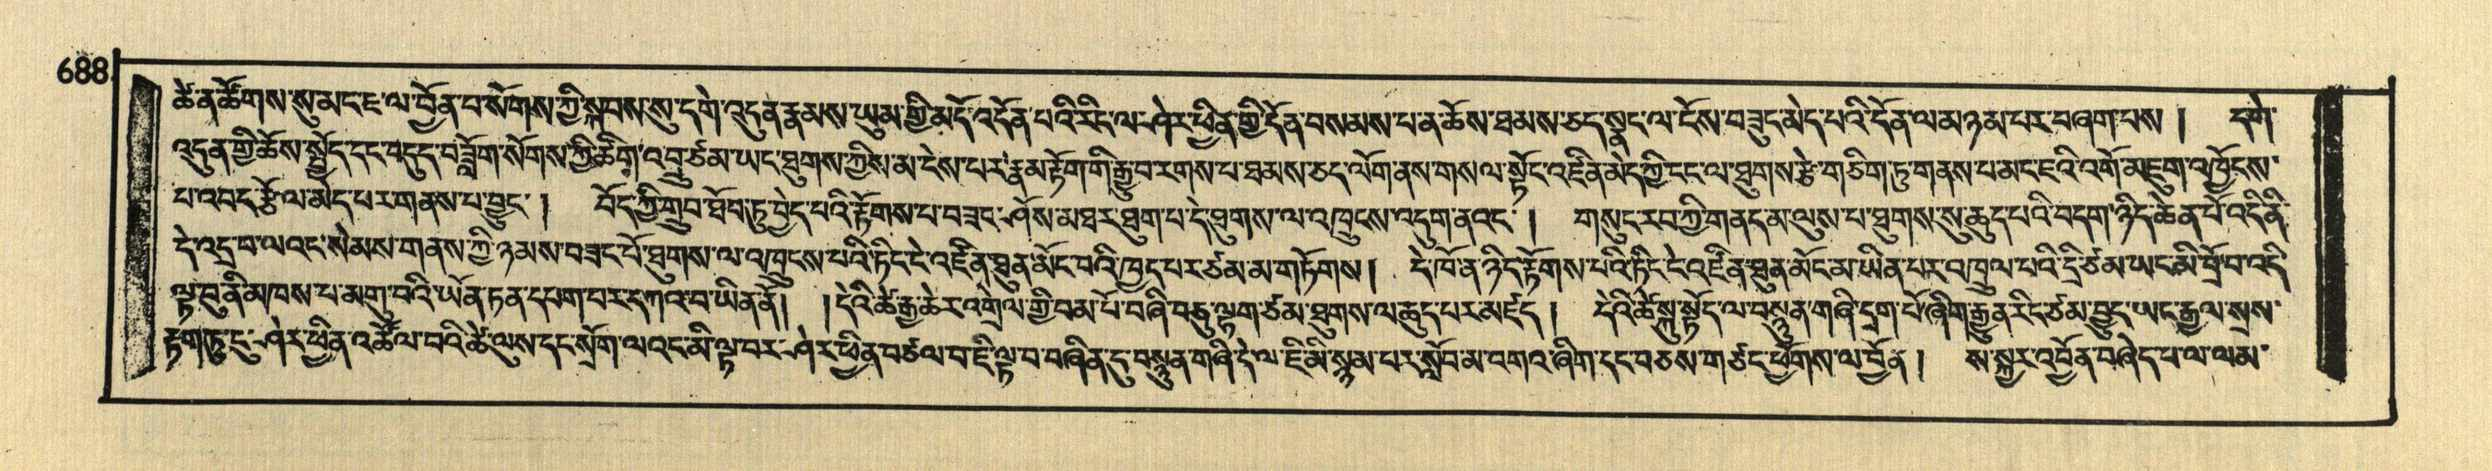ཚེ་ན་ཚོགས་སུ་མང་ཇ་ལ་བྱོན་པ་སོགས་ཀྱི་སྐབས་སུ་དགེ་འདུན་རྣམས་ཡུམ་གྱི་མདོ་འདོན་པའི་རིང་ལ་ཤེར་ཕྱིན་གྱི་དོན་བསམས་པ་ན་ཆོས་ཐམས་ཅད་སྣང་ལ་ངོས་བཟུང་མེད་པའི་དོན་ལ་མཉམ་པར་བཞག་པས། དགེ་
འདུན་གྱི་ཆོས་སྤྱོད་དང་བདུད་བཟློག་སོགས་ཀྱི་ཚིག་འབྲུ་ཙམ་ཡང་ཐུགས་ཀྱིས་མ་ངེས་པར་རྣམ་རྟོག་གི་རྒྱུ་བ་རགས་པ་ཐམས་ཅད་ལོག་ནས་གསལ་སྟོང་འཛིན་མེད་ཀྱི་ངང་ལ་ཐུགས་རྩེ་གཅིག་ཏུ་གནས་པ་མང་ཇའི་འོག་མཇུག་འཁྱོངས་
པ་འབད་རྩོལ་མེད་པར་གནས་པ་བྱུང་། བོད་ཀྱི་གྲུབ་ཐོབ་ཏུ་བྱེད་པའི་རྟོགས་པ་བཟང་ཤོས་མཐར་ཐུག་པ་དེ་ཐུགས་ལ་འཁྲུངས་འདུག་ནའང་། གསུང་རབ་ཀྱི་གནད་མ་ལུས་པ་ཐུགས་སུ་ཆུད་པའི་བདག་ཉིད་ཆེན་པོ་འདི་ནི་
དེ་འདྲ་བ་ལའང་སེམས་གནས་ཀྱི་ཉམས་བཟང་པོ་ཐུགས་ལ་འཁྲུངས་པའི་ཏིང་ངེ་འཛིན་ཐུན་མོང་བའི་ཁྱད་པར་ཙམ་མ་གཏོགས། དེ་ཁོ་ན་ཉིད་རྟོགས་པའི་ཏིང་ངེ་འཛིན་ཐུན་མོང་མ་ཡིན་པར་འཁྲུལ་པའི་དྲི་ཙམ་ཡང་མི་བྲོ་བ་འདི་
ལྟ་བུ་ནི་མཁས་པ་མགུ་བའི་ཡོན་ཏན་དཔག་པར་དཀའ་བ་ཡིན་ནོ། །དེའི་ཚེ་རྒྱ་ཆེར་འགྲེལ་གྱི་བམ་པོ་བཞི་བཅུ་ལྷག་ཙམ་ཐུགས་ལ་ཆུད་པར་མཛད། དེའི་ཚེ་སྐུ་སྟོད་ལ་བསྙུན་གཞི་དྲག་པོ་ཞིག་རྒྱུན་རིང་ཙམ་བྱུང་ཡང་རྒྱལ་སྲས་
རྟག་ཏུ་དུ་ཤེར་ཕྱིན་འཚོལ་བའི་ཚེ་ལུས་དང་སྲོག་ལའང་མི་ལྟ་བར་ཤེར་ཕྱིན་བཙལ་བ་ཇི་ལྟ་བ་བཞིན་དུ་བསྙུན་གཞི་དེ་ལ་ཇི་མི་སྙམ་པར་སློབ་མ་འགའ་ཞིག་དང་བཅས་གཙང་ཕྱོགས་ལ་བྱོན། ས་སྐྱར་འབྱོན་བཞེད་པ་ལ་ལམ་